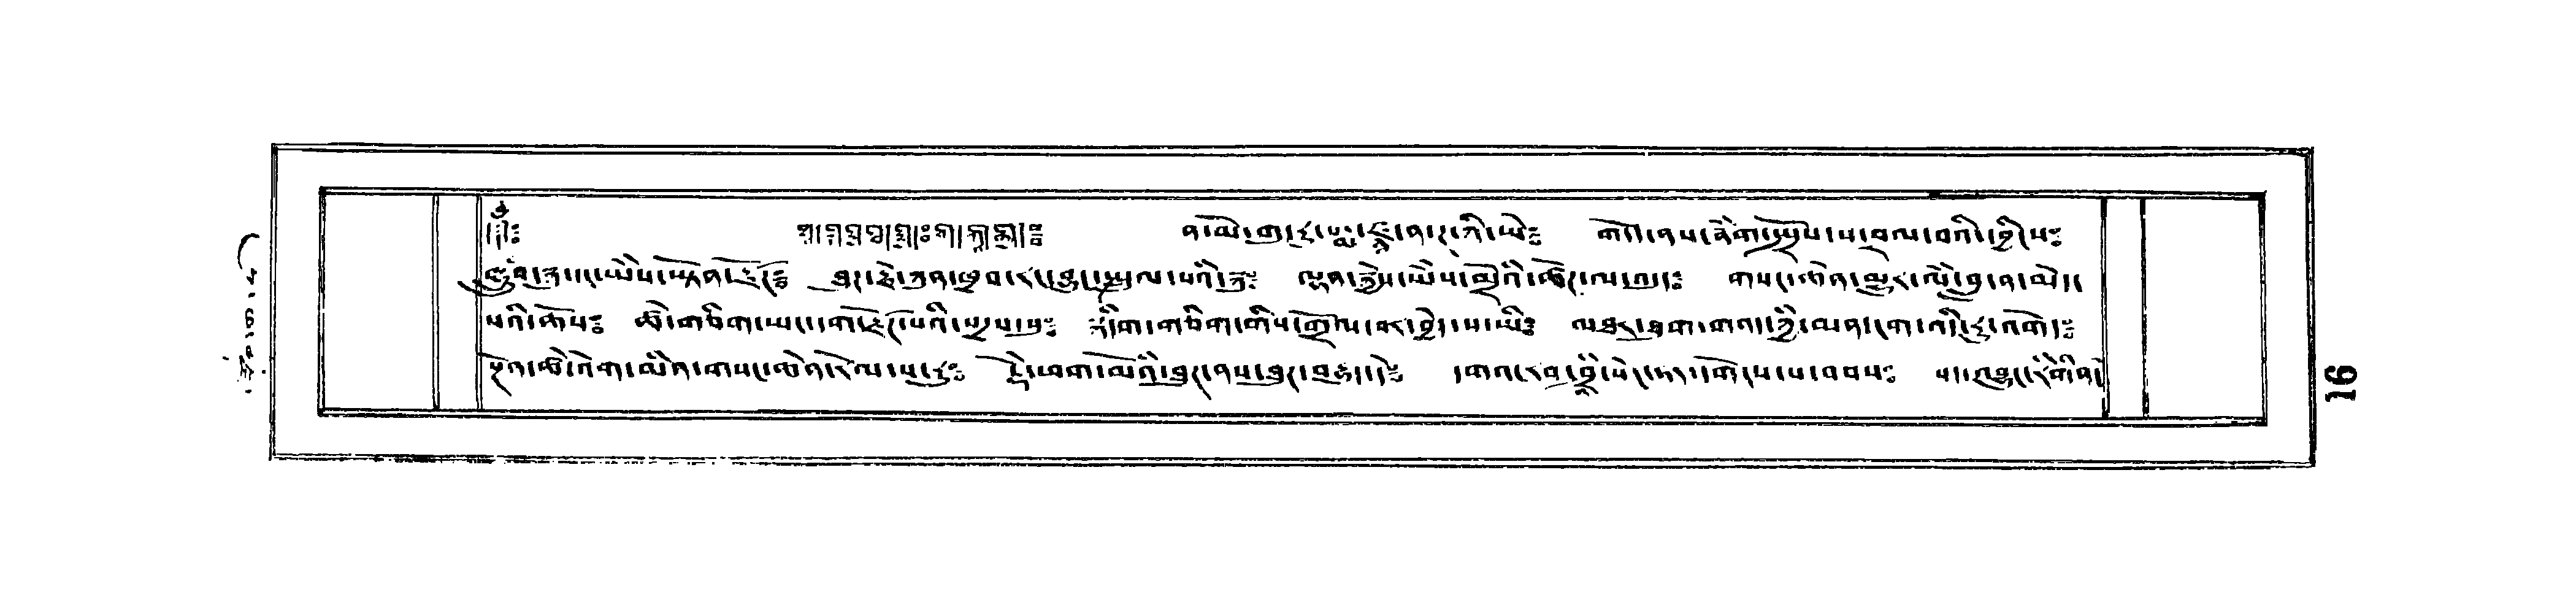ན་མོ་གུ་རུ་པདྨ་ཛྙཱ་ན་ཌཱ་ཀི་ཡེ༔ གདོད་ནས་རྣམ་དག་སྤྲོས་པ་བྲལ་བའི་དབྱིངས༔ 
ལྷུན་གྲུབ་སྐུ་དང་ཡེ་ཤེས་ཡོན་ཏན་རྫོགས༔ ཐུགས་རྗེ་ཀུན་ཁྱབ་རང་བྱུང་སྤྲུལ་པའི་སྐུ༔ ལྷན་སྐྱེས་ཡེ་ཤེས་མཁའ་འགྲོའི་ཚོགས་ལ་འདུད༔ གསང་ཆེན་མྱུར་ལམ་བླ་ན་མེད་
པའི་ཆོས༔ ཚེ་གཅིག་ཡང་དག་རྫོགས་པའི་སངས་རྒྱས་སུ༔ སྐད་ཅིག་གཅིག་གིས་གྲོལ་བར་བྱེད་པ་ཡི༔ མཐར་ཐུག་གནད་ཀྱི་མན་ངག་འདི་རུ་འགོད༔ 
སྔོན་ཚེ་འོག་མིན་གསང་ཆེན་རོལ་པ་རུ༔ རྡོ་རྗེ་ཕག་མོའི་ཐུགས་ནས་ཐུགས་བརྒྱུད་དེ༔ དགའ་རབ་ཤྲཱི་སེང་ཧར་དགོངས་པ་བབས༔ པད་འབྱུང་རིག་འཛིན་